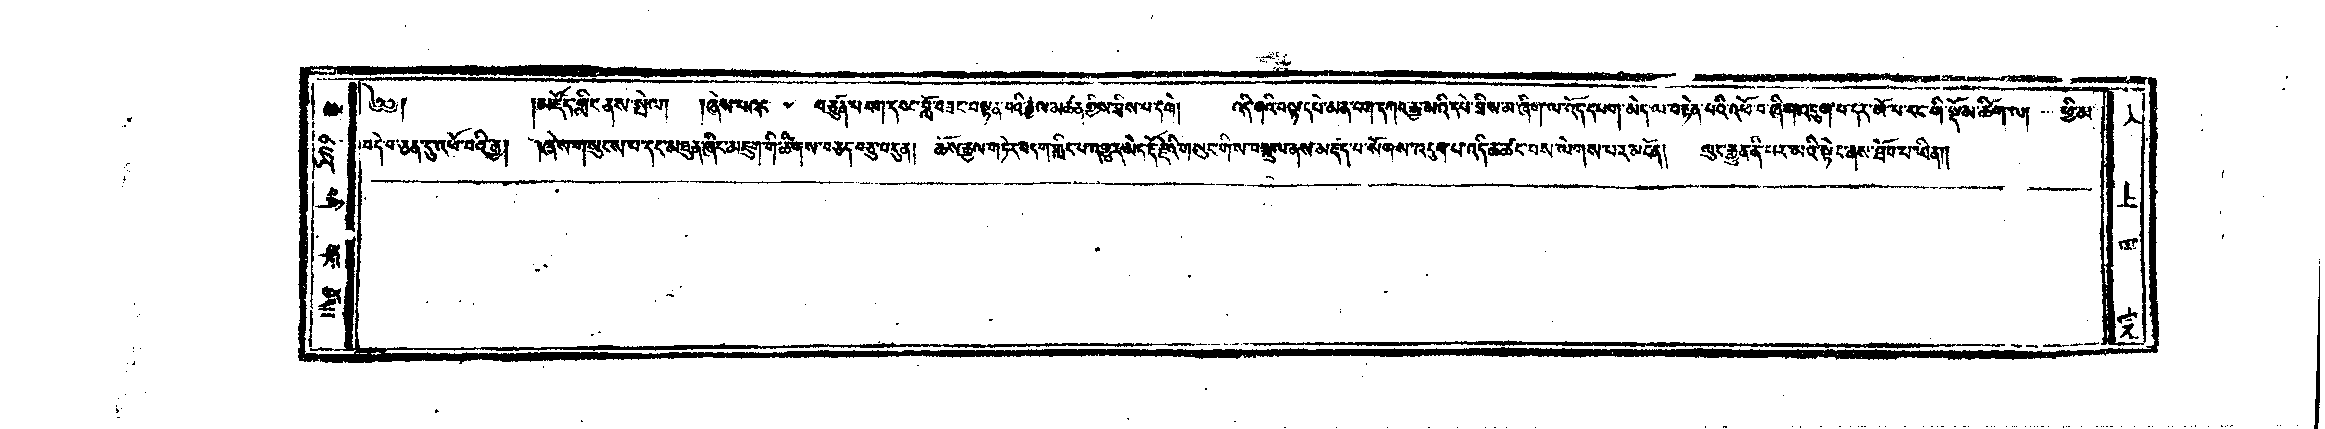༄༅། །མཛོད་གླིང་ནས་སྤེལ། །ཞེས་པའང ༧་བཙུན་པ་ངག་དབང་བློ་བཟང་བསྟན་པའི་རྒྱལ་མཚན་གྱིས་བྲིས་པ་དགེ། འདི་གའི་བསྟོ?་དཔེ་མན་ངག་དགའ་རྒྱ་མའི་དཔེ་བྲིས་མ་ཞིག་ལ་འོད་དཔག་མེད་ལ་བརྟེན་པའི་འཕོ?་བ་ཞིག་འདུག་པ་དར་མེ་པ་རང་གི་སྡོམ་ཚིག་ལ། ཕྱི་མ་
བདེ་བ་ཅན་དུ་འཕོ་བའི་རྒྱ། །ཞེས་གསུངས་པ་དང་མཐུན་ཞིང་མཇུག་གི་ཚིགས་བཅད་བཅུ་བདུན། ཆོས་རྒྱལ་གཏེར་བདག་གླིང་པ་འགྱུར་མེད་རྡོ་རྗེ་གསུང་གིས་བསྐུལ་ནས་མཛད་པ་སོགས་འདུག་པ་འདི་ཆ་ཚང་བས་ལེགས་པར་མངོན། ལུང?་རྒྱུན་ནི་པར་མའི་སྟེང་ནས་ཐོབ་པ་ཡིན།།